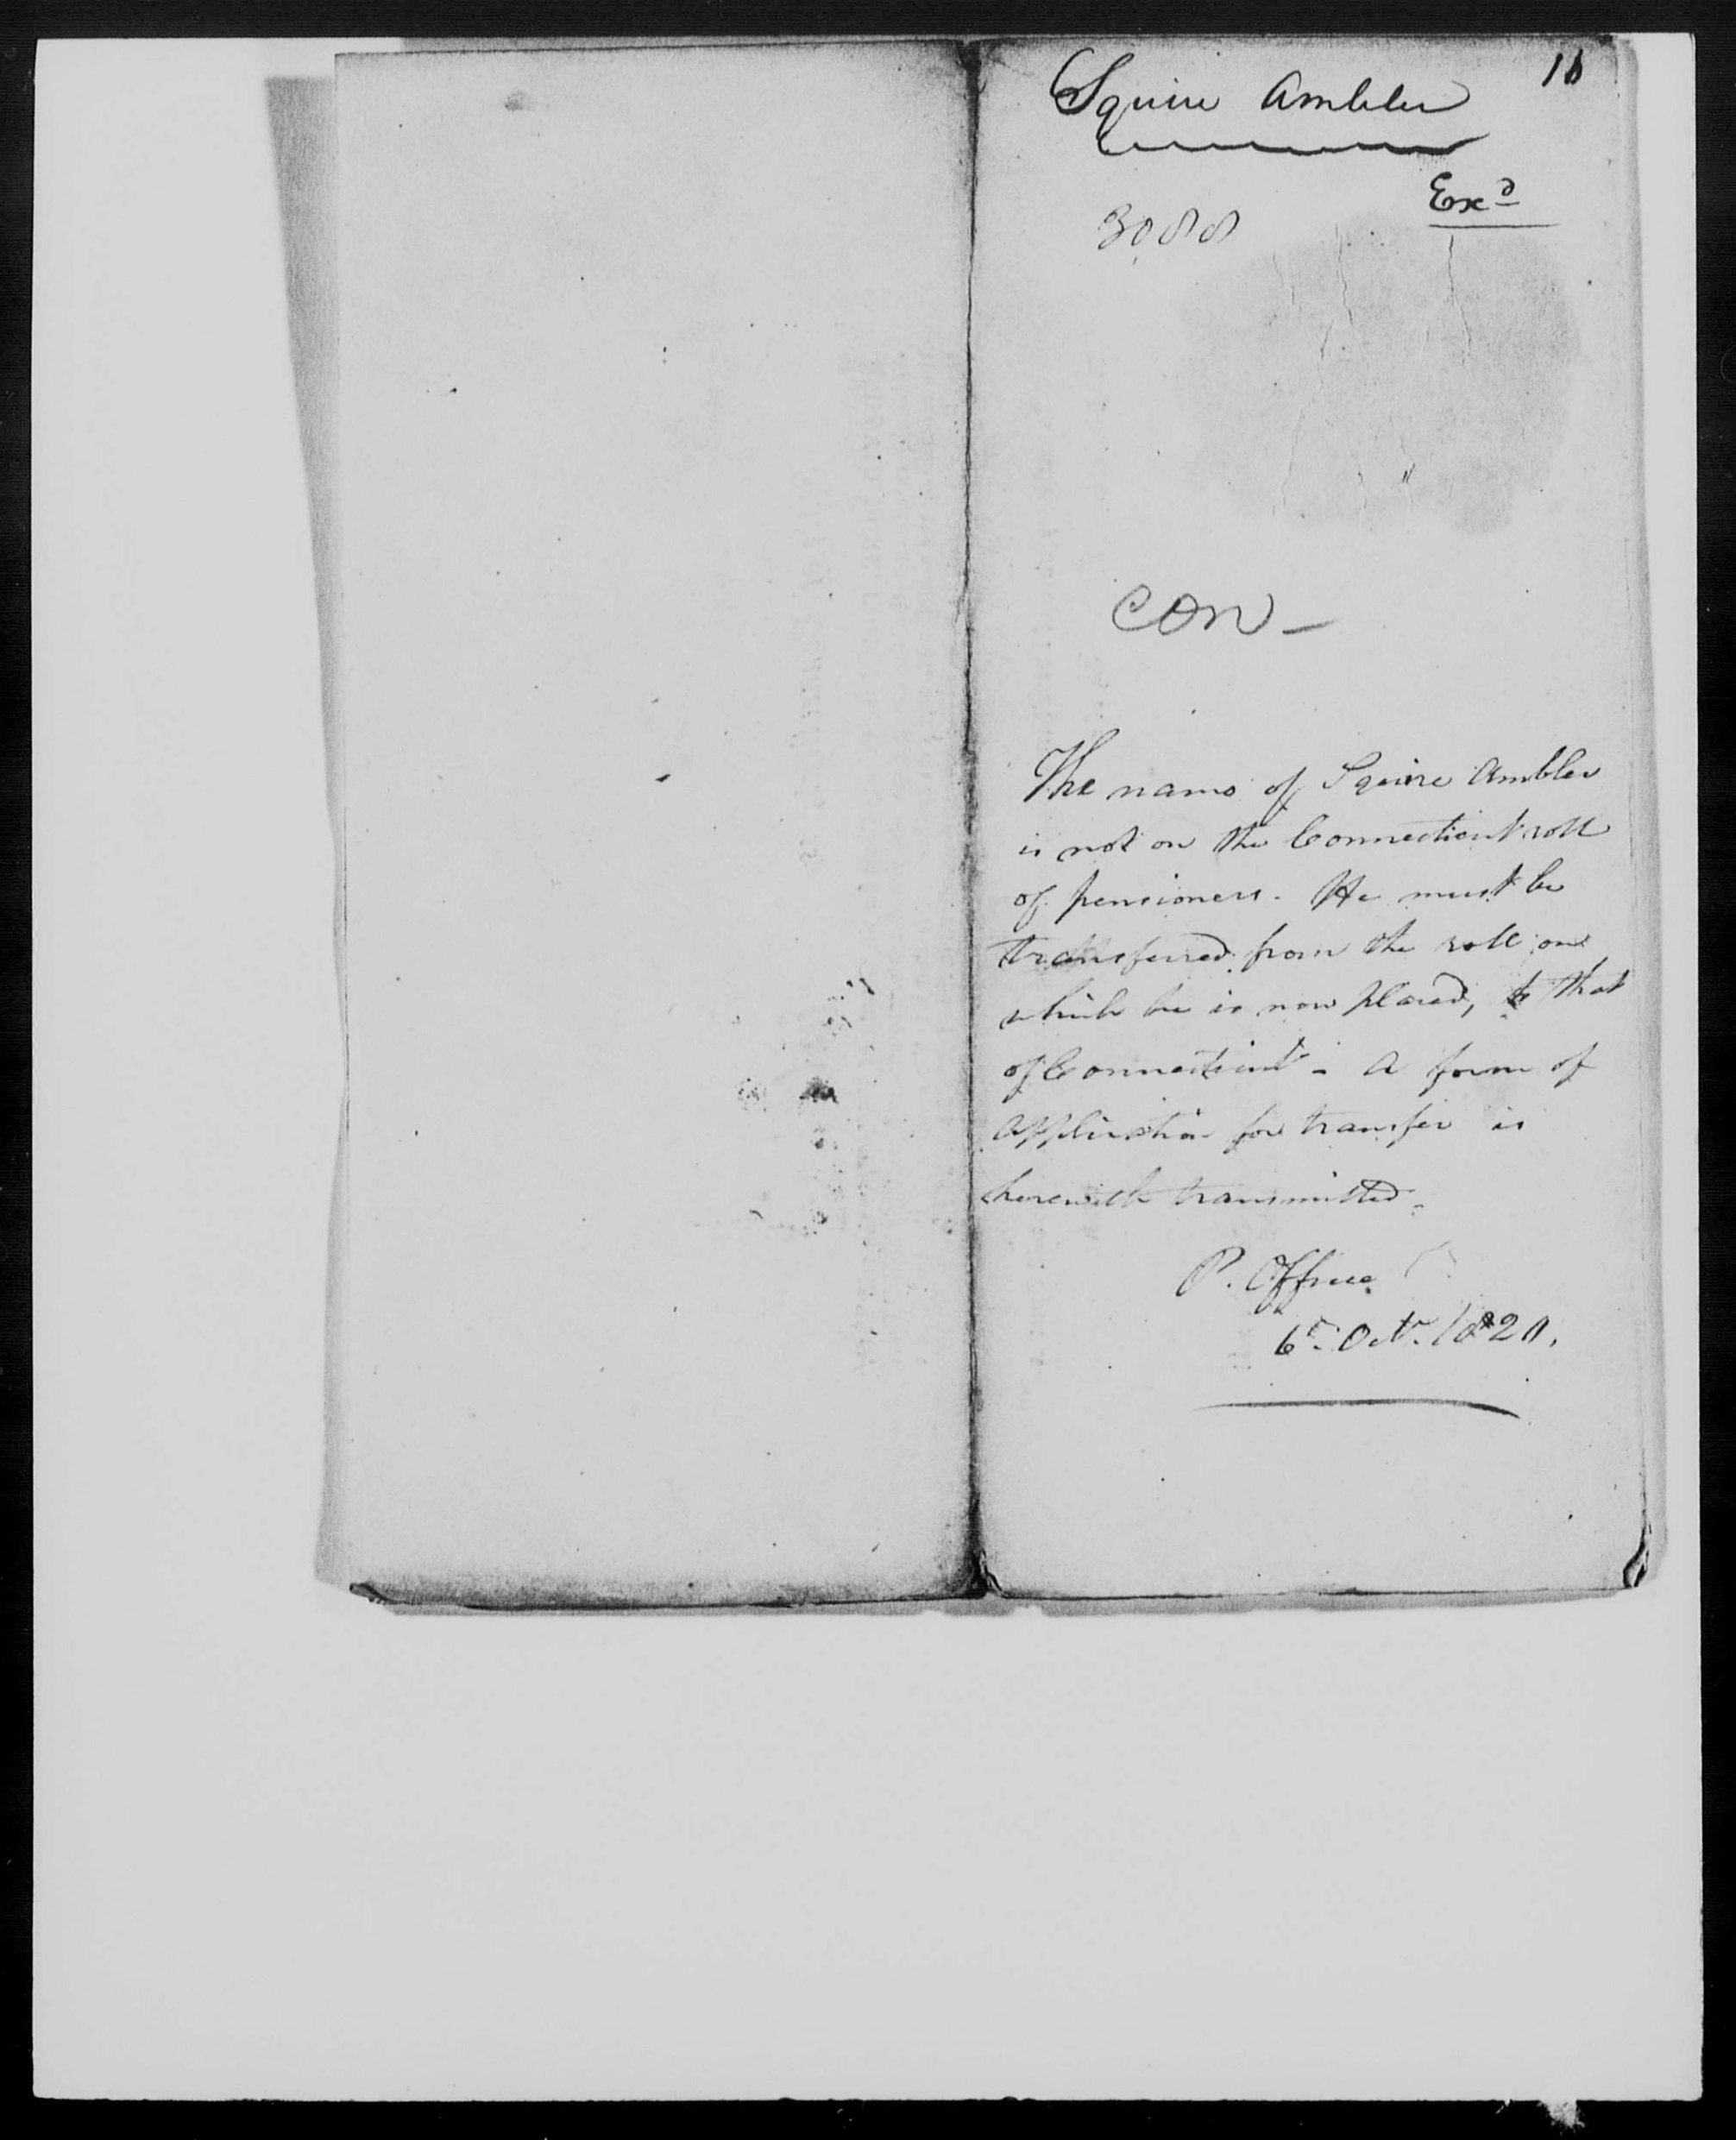Squire Ambler 18
3000 Exd.
con
The name of Squire Ambler is not on the Connecticut roll of Pensioners. He must be transferred from the roll and which he is now placed, to that of Connecticut. A form of application for transfer is herewith transmitted.
P. Office
6. Oct. 1820.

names: Squire Ambler, Squire Ambler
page: 6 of 39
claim: widow's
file: W. 2,056, Squire Ambler, Continental (Sol. Res. In N.Y. & Conn.)